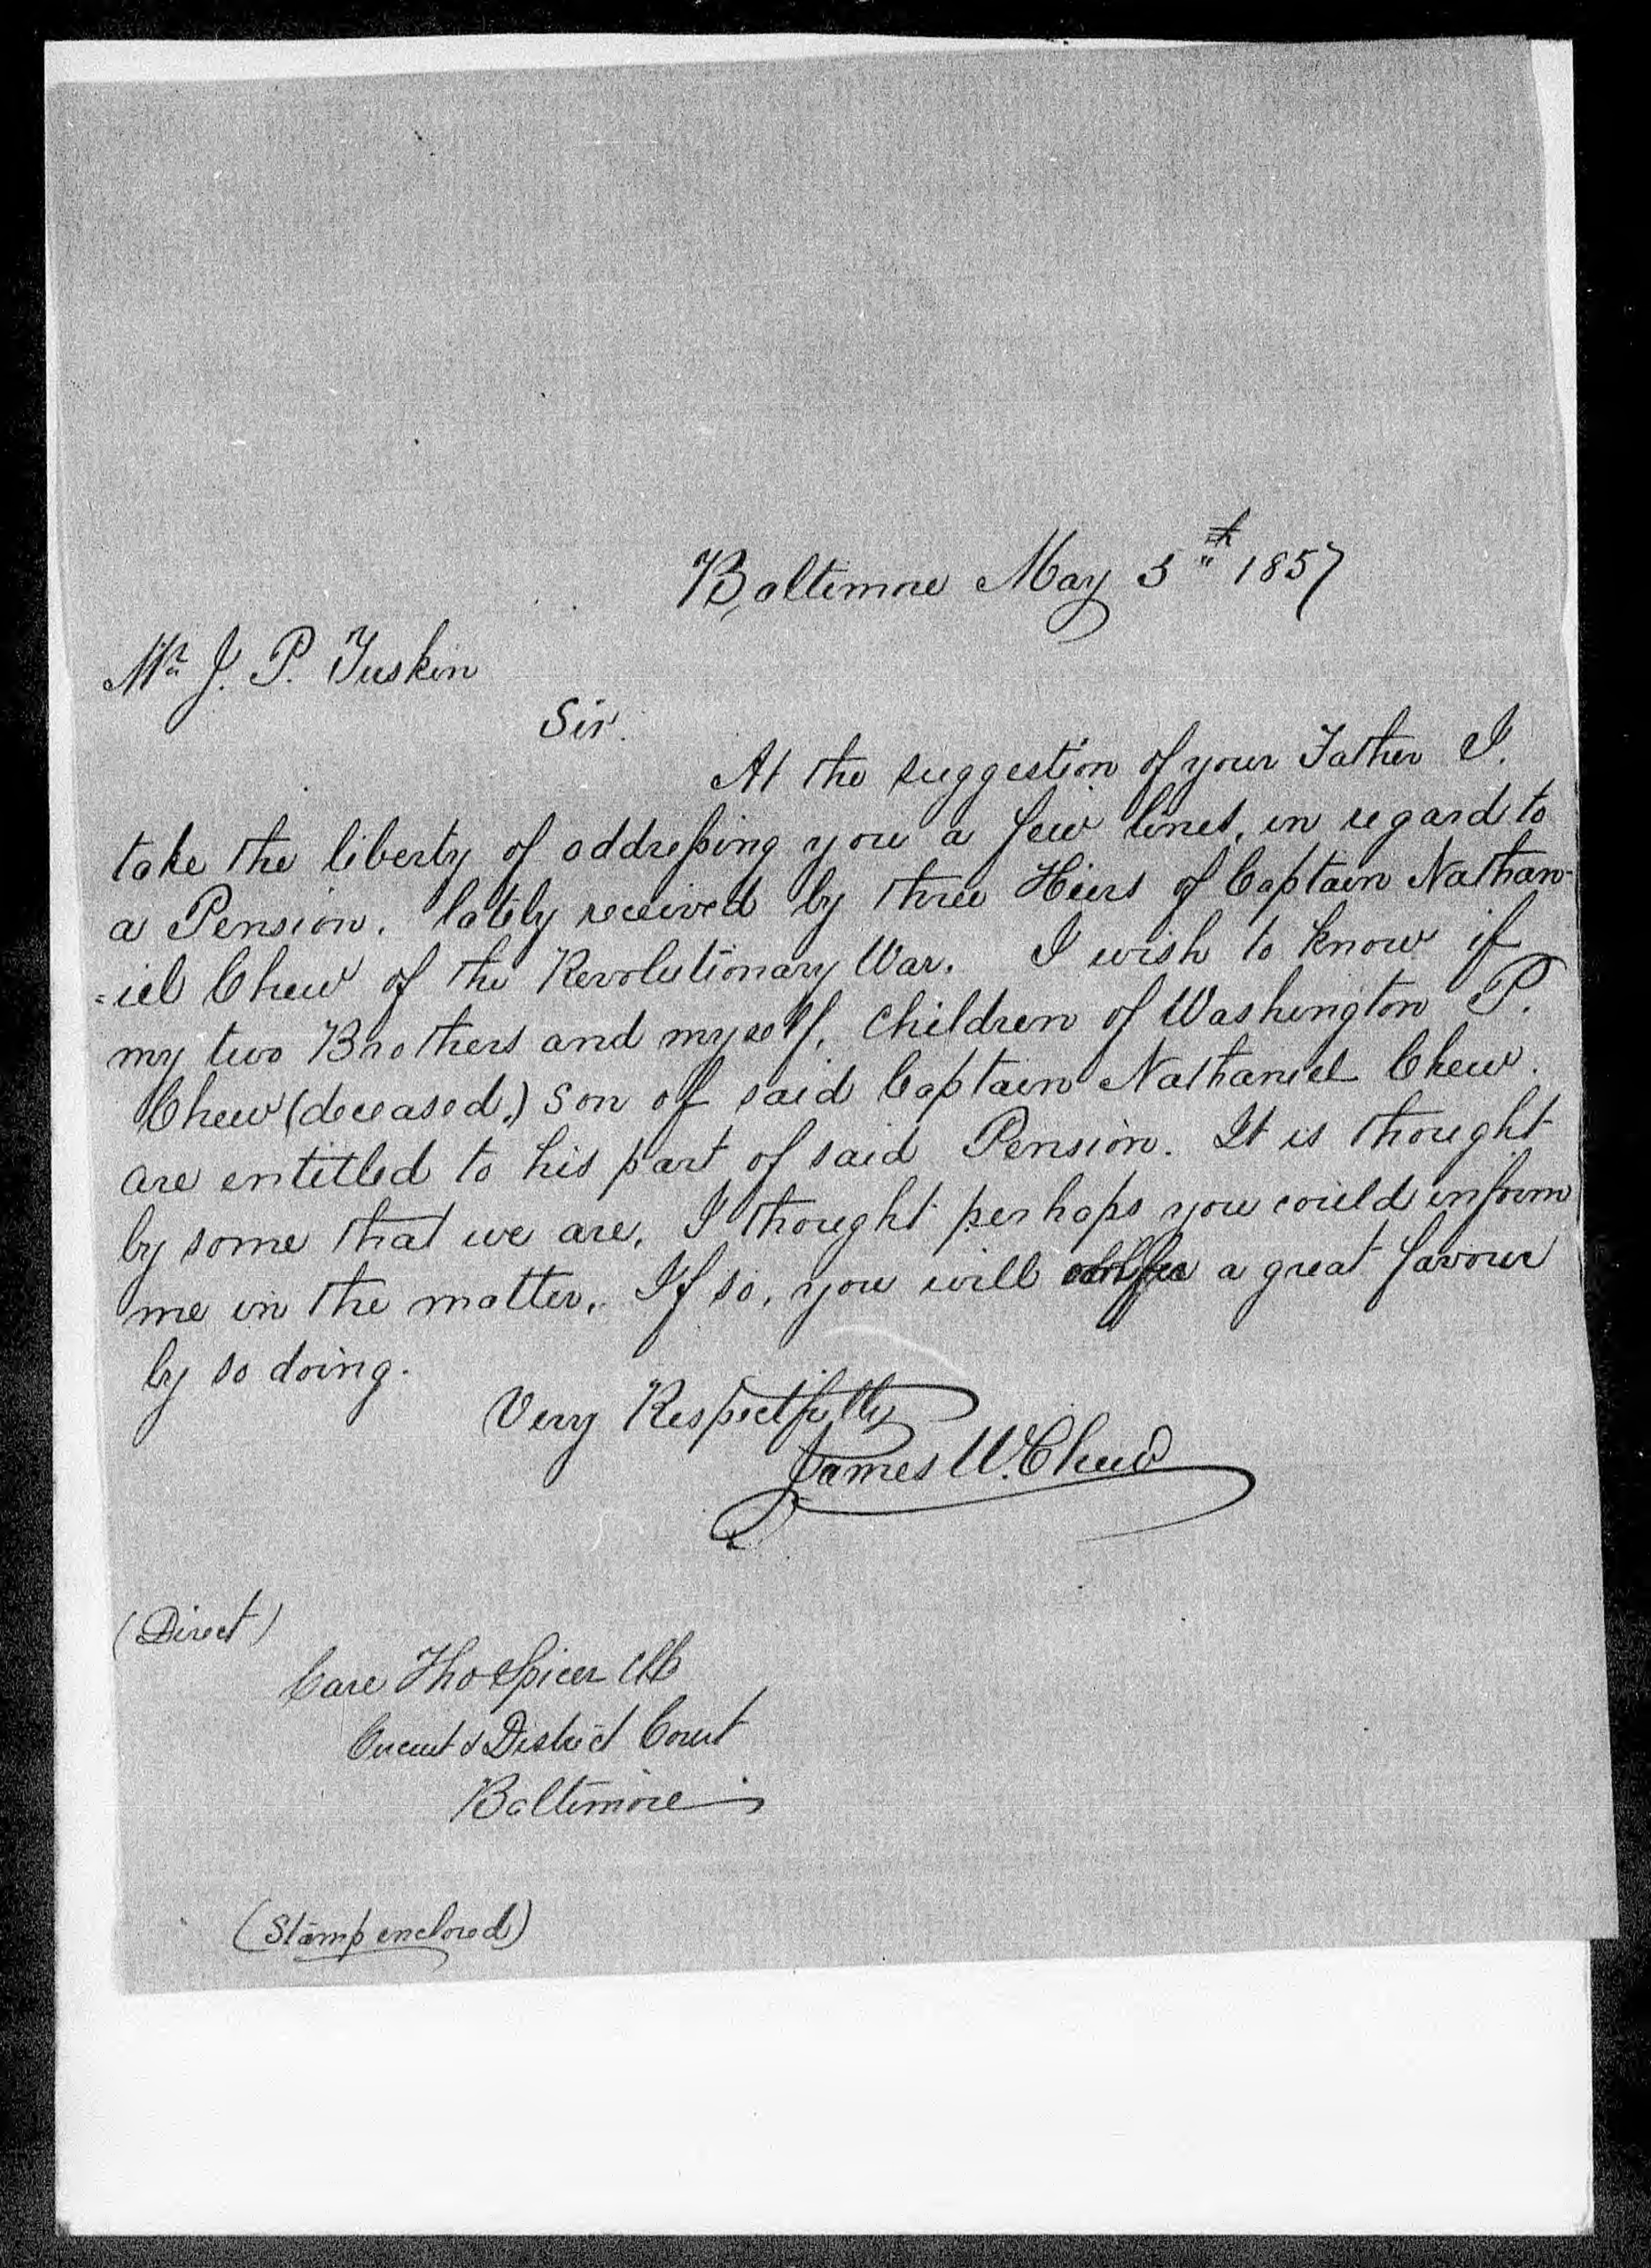Baltimore May 5th 1857
Mr J. P. Tuskin
Sir: 
At the suggestion of your Father I take the liberty of addressing you a few lines, in regard to a Pension. Lately received by the three Hiers of Captain Nathaniel Chew of the Revolutionary War. I wish to know if my two Brothers and myself, children of Washington P. Chew (deceased) son of said Captain Nathaniel Chew are entitled to his part of said Pension. It is thought by some that we are, I thought perhaps you could inform me in the matter. If so, you will [illegible] a great favour by so doin.
Very Respecfully,
[signed] James W. Chew
(Direct)
Care Tho Spicer Clk
Circuit & District Court
Baltimore
(stamp enclosed)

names: J P Tuskin, Nathaniel Chew, James W Chew, P Chew, Nathaniel Chew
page: 18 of 59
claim: widow's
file: W. 9383, Nathaniel Chew, Navy (Md.)